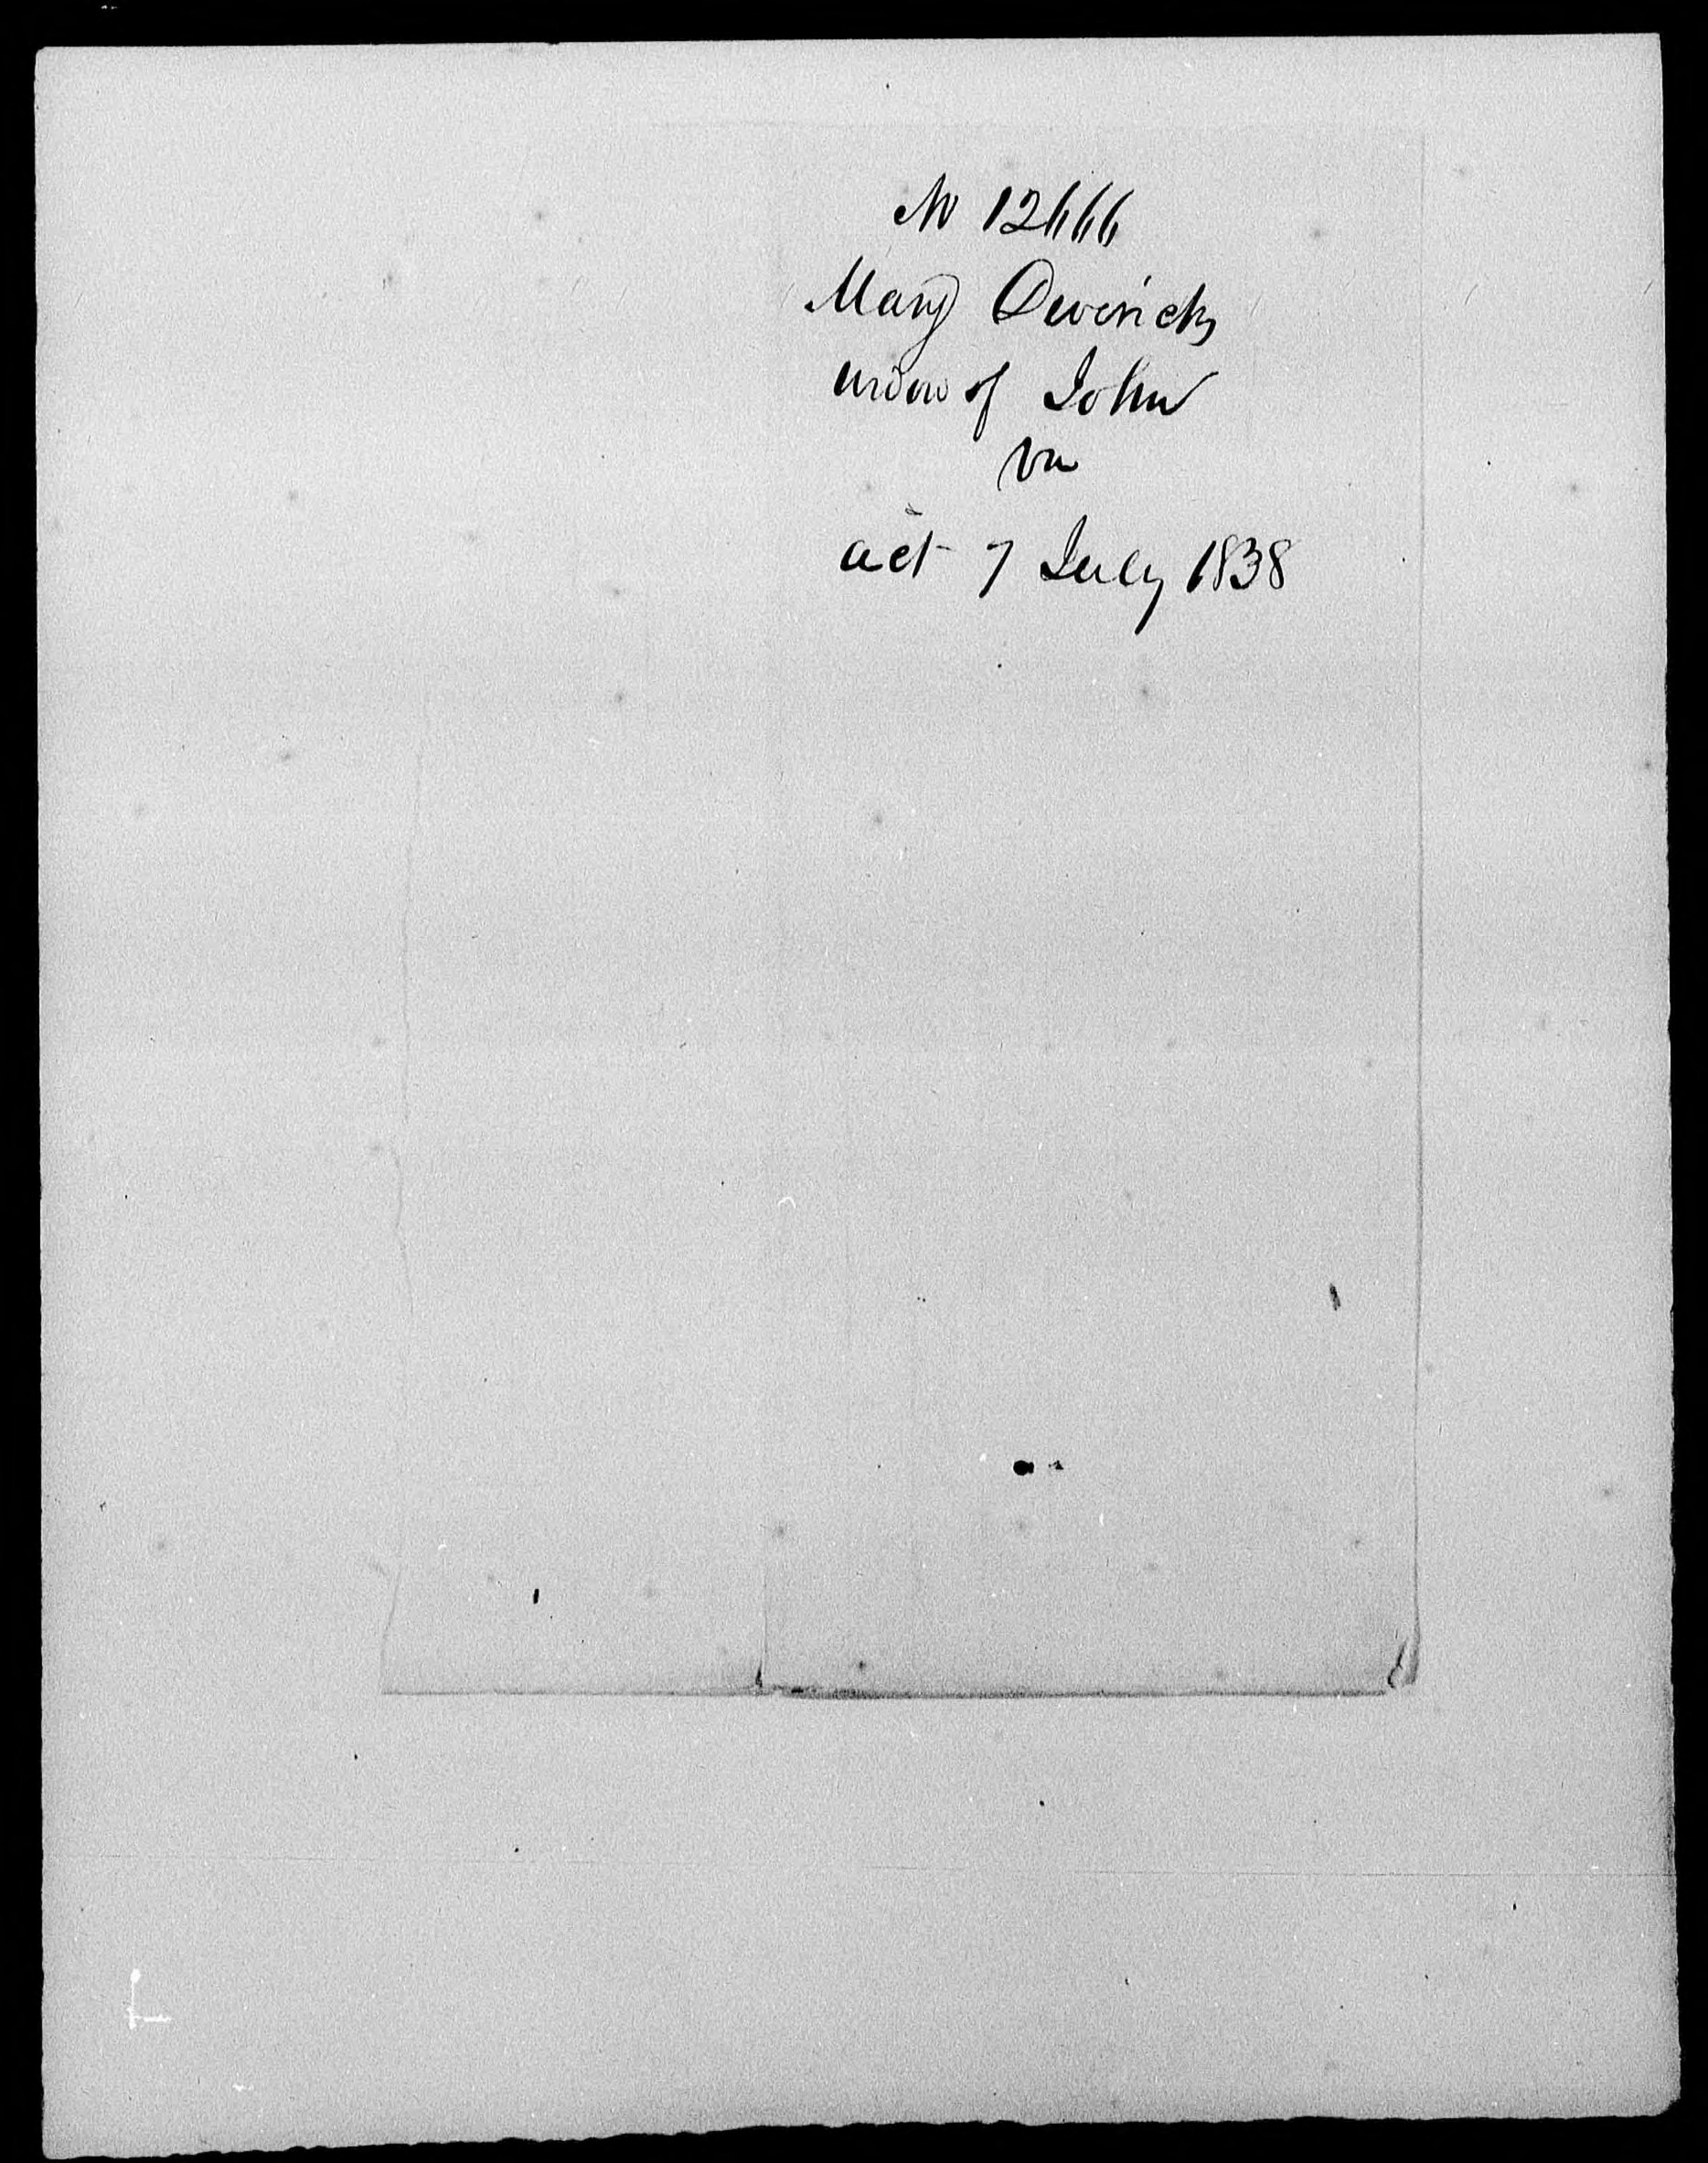W 12666
Mary Deverick
widow of John
Va
act 7 July 1838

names: Mary Devericks, John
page: 30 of 35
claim: widow's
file: W 7007, John Devericks, Va.